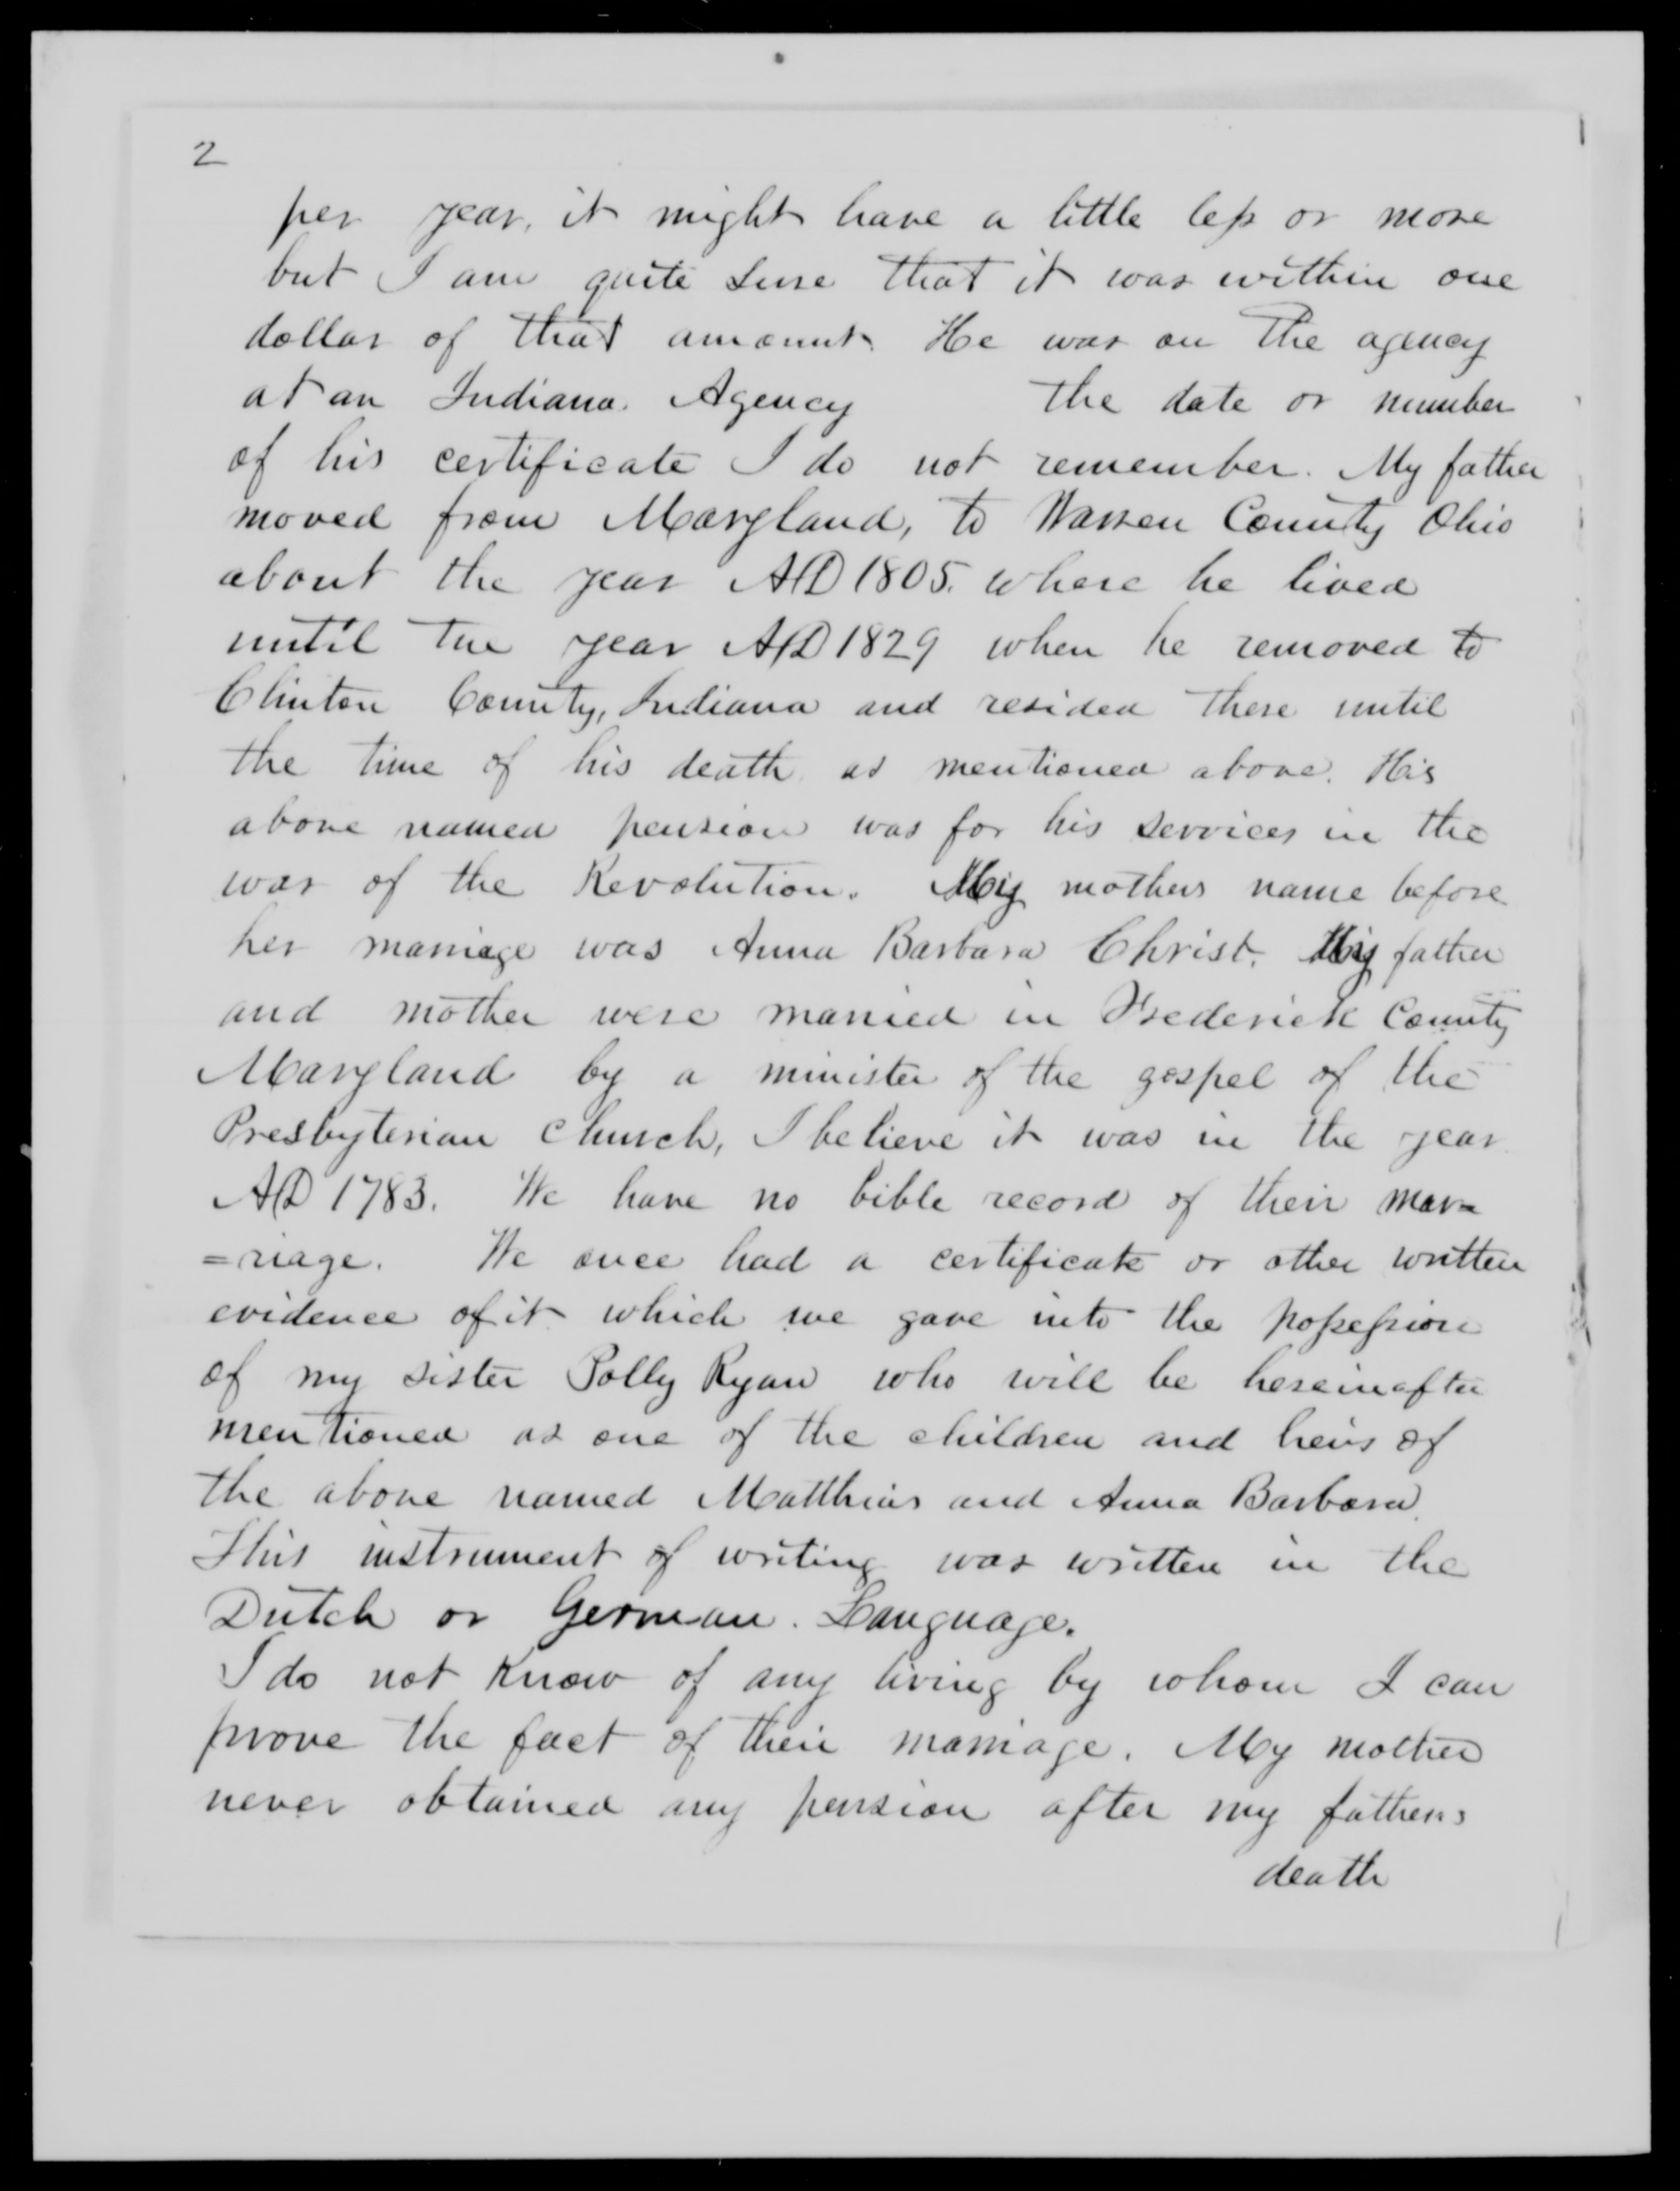2
per year, it might have a little less or more
but I am quite sure that it was within one
dollar of that amount. He was on the agency
at an Indiana Agency. The date or number
of his certificate I do not remember. My father
moved from Maryland, to Warren County Ohio
about the year AD 1805, where he lived
until the year AD 1829 when he removed to
Clinton County, Indiana and resided there until
the time of his death as mentioned above. His
above named pension was for his services in the
war of the Revolution. My mothers name before
her marriage was Anna Barbara Christ my father
and mother were married in Frederick County
Maryland by a minister of the gospel of the
Presbyterian Church, I believe it was in the year
AD 1783. We have no bible record of their marriage. We once had a certificate or other written
evidence of it which we gave into the possession
of my sister Polly Ryan who will be hereinafter
mentioned as one of the children and heirs of
the above named Matthias and Anna Barbara.
This instrument of writing was written in the
Dutch or German Language.
I do not know of any living by whom I can
prove the fact of their marriage. My mother
never obtained any pension after my father’s
death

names: Anna Barbara Christ, Matthias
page: 21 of 123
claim: rejected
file: R. 11,949, Matthias Young, Md.